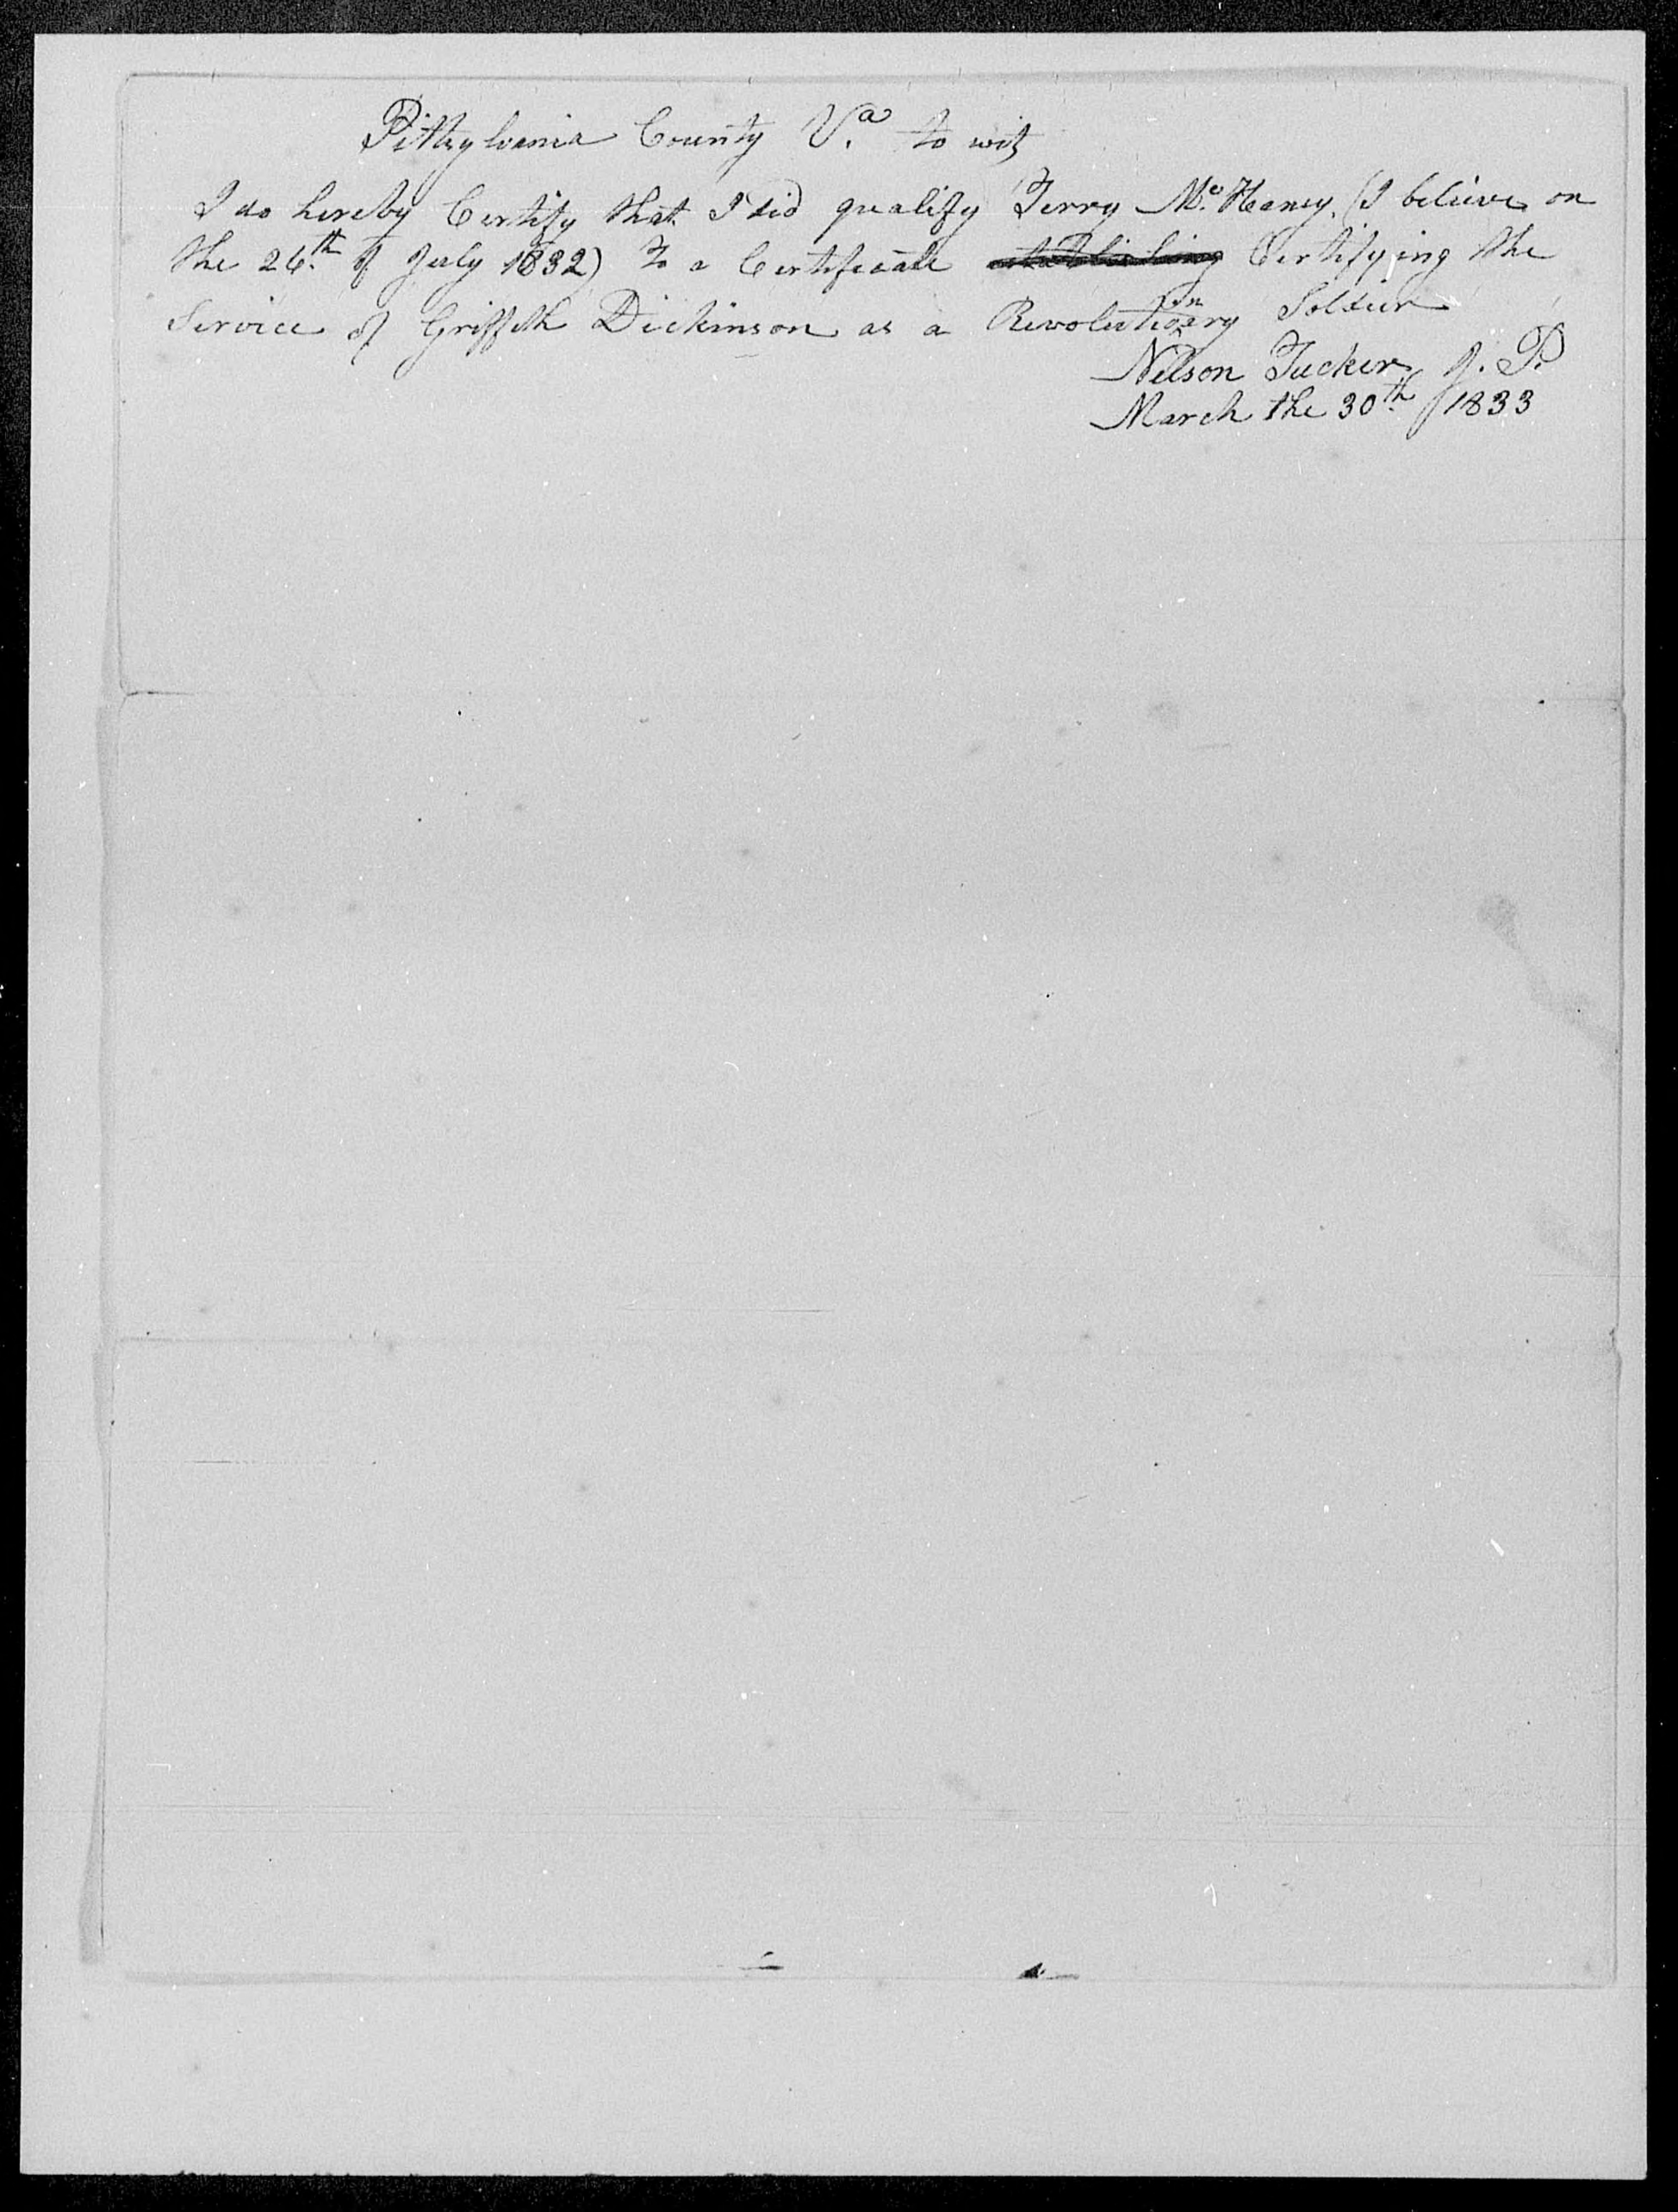Pittsylvania County Va to wit
I do hereby certify that I did qualify Terry McHaney (I believe on the 26th of July 1832) to a certificate certifying the service of Griffith Dickerson as a Revolutionary Solider
Nelson Tucker J. P.
March the 30th 1833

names: Nelson Tucker, Griffeth Dickinson, Terry Mc Haney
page: 15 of 26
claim: survivor's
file: S. 20896, Griffeth Dickenson, Ga. Va.